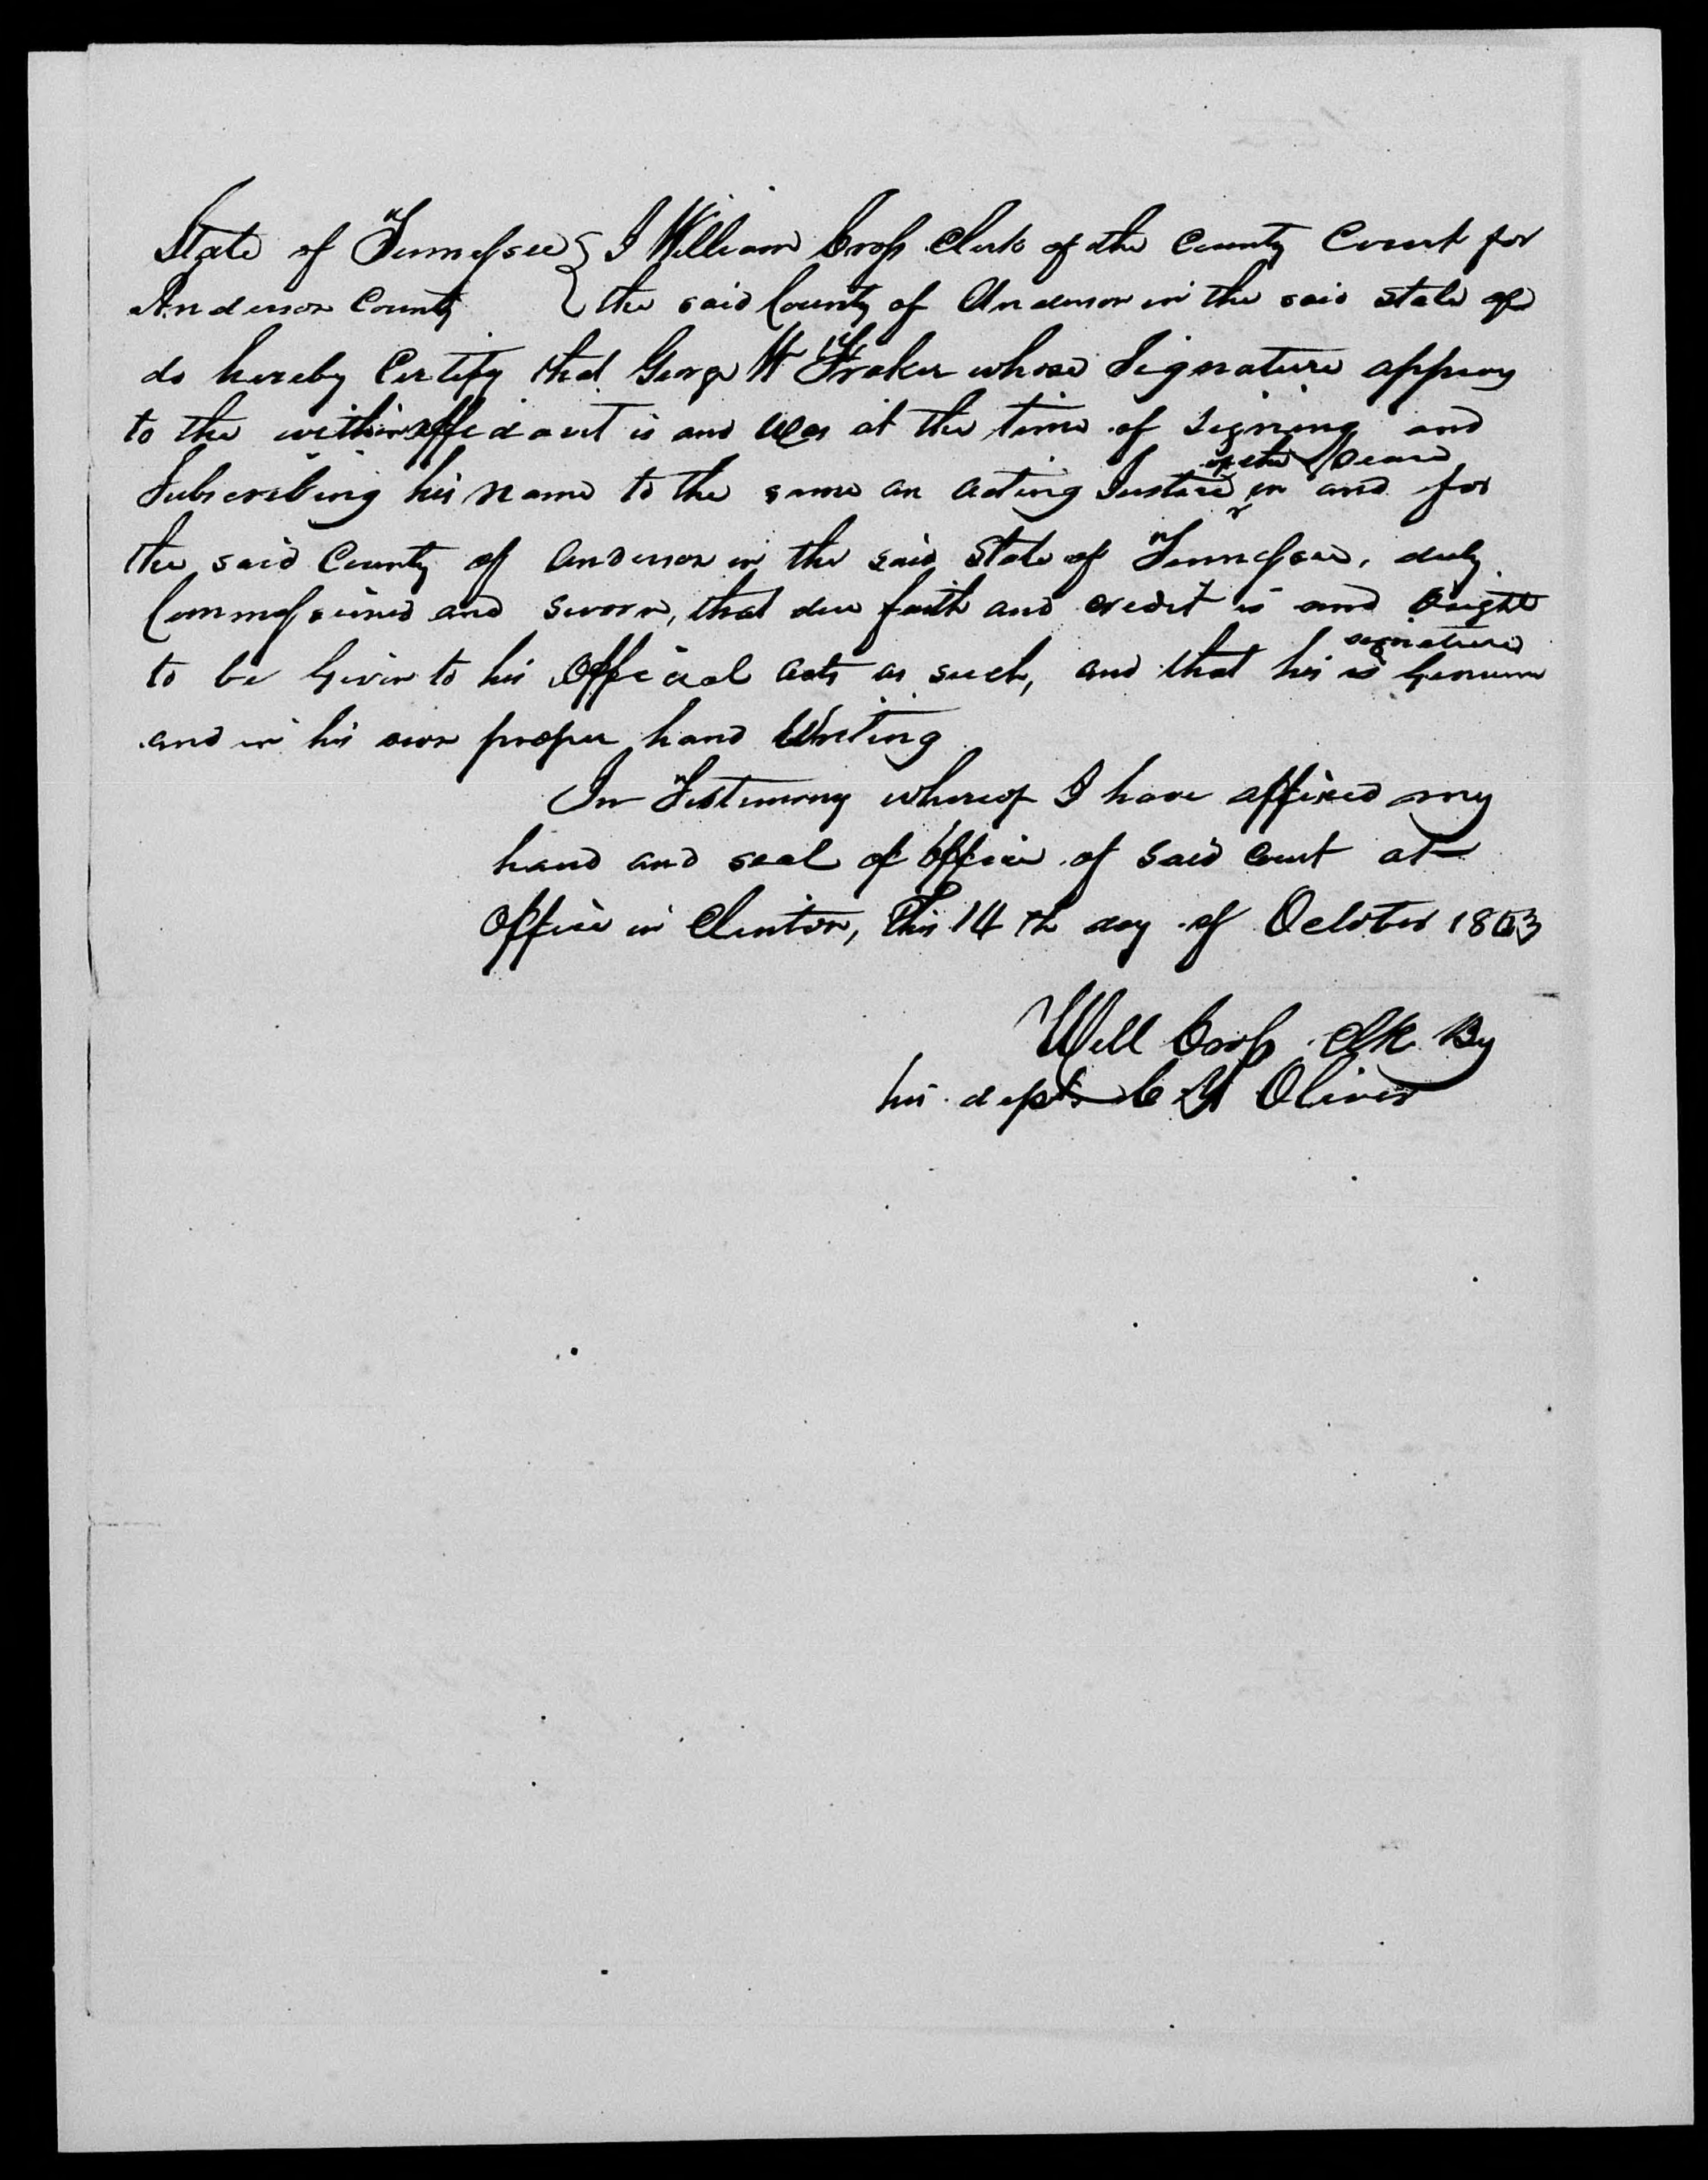(Handwritten document)

State of Tennessee 
Anderson County}⎬ I William Cross Clerk of the County Court for Anderson County
the said County of Anderson in the said State of do hereby certify that George W Fraker whose signature appears to the within affidavit is and was at the time of signing and
Subscribing his name to the same an acting Justice in and for the said County of Anderson in the said State of Tennessee, duly
Commissioned and sworn, that due faith and credit is and ought to be given to his official acts as such, and that his signature (illegible)
and in his own proper hand Writing

In Testimony whereof I have affixed my
hand and seal of office of said Court at
Office in Clinton, this 14th day of October 1843

Will Cross Clk. By his dept C Y Oliver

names: William Cross; George W Fraker; C Y Oliver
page: 35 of 37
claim: rejected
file: R. 6521, for Dickeson Lumpkin, Pennsylvania